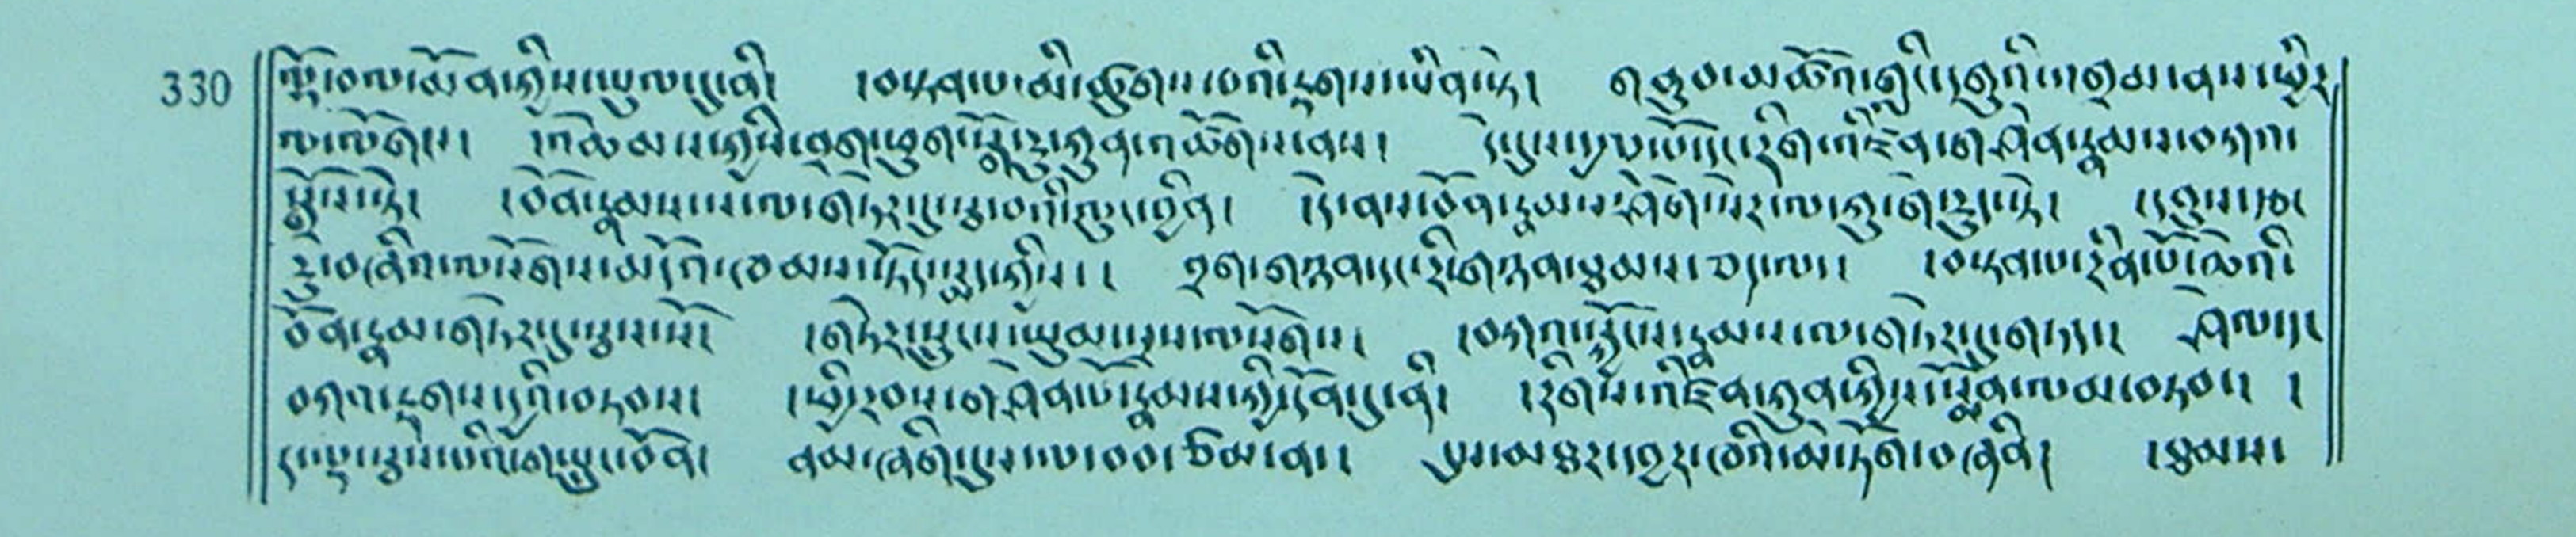ལྷོ་བལ་མོན་གྱི་ཡུལ་དུ་ནི། བསྟན་པ་མི་ཚུགས་པའི་རྟགས་ཡིན་ཏེ། གནུབ་མཚོ་གླིང་དགུའི་འགྲམ་ནས་ཕྱིར་
ལ་ལོག འཆེམས་ཀྱི་བྲག་ཕུག་སྒོ་རུ་ཀུན་འཚོགས་ནས། དེ་དུས་རྒྱལ་བོ་དང་རིགས་འཛིན་གཤེན་རྣམས་བཀའ་
འགྲོས་ཏེ། བོན་རྣམས་ལ་གཏེར་དུ་སྦ་བའི་ལུང་བྱིན། དེ་ནས་བོན་རྣམས་ཤོག་སེར་ལ་ཀུ་གེ་རྒྱུད་དེ། དབུས་རྩང་
རུ་བཞིའ་ལས་སོགས་མདོ་ཁམས་སྟོད་སྨད་ཀྱིས། བྲག་གཉན་དང་རི་གཉན་ཐམས་ཅད་ལ། བསྟན་པ་རིན་པོ་ཆེའི་
བོན་རྣམས་གཏེར་དུ་སྦས་སོ། །གཏེར་བསྲུངས་ཡུམ་སྲས་ལས་སོགས། བཀའ་སྐྱོང་རྣམས་ལ་གཏེར་དུ་གཏད། ཤེལ་དང་
བཀའ་རྟགས་རྒྱ་ཡིས་བཏབ། ཕྱི་རབས་གཤེན་པོ་རྣམས་ཀྱི་དོན་དུ་ནི། རིགས་འཛིན་ཀུན་གྱིས་སྨོན་ལམ་བཏབ། 
ད་ལྟ་སྦས་པའི་གཡུང་དྲུང་བོན། ནམ་ཞིག་དུས་ལ་བབ་ཙམ་ན། དུས་མཐར་དབྱར་ཁའི་མེ་ཏོག་བཞིན། ཐམས་